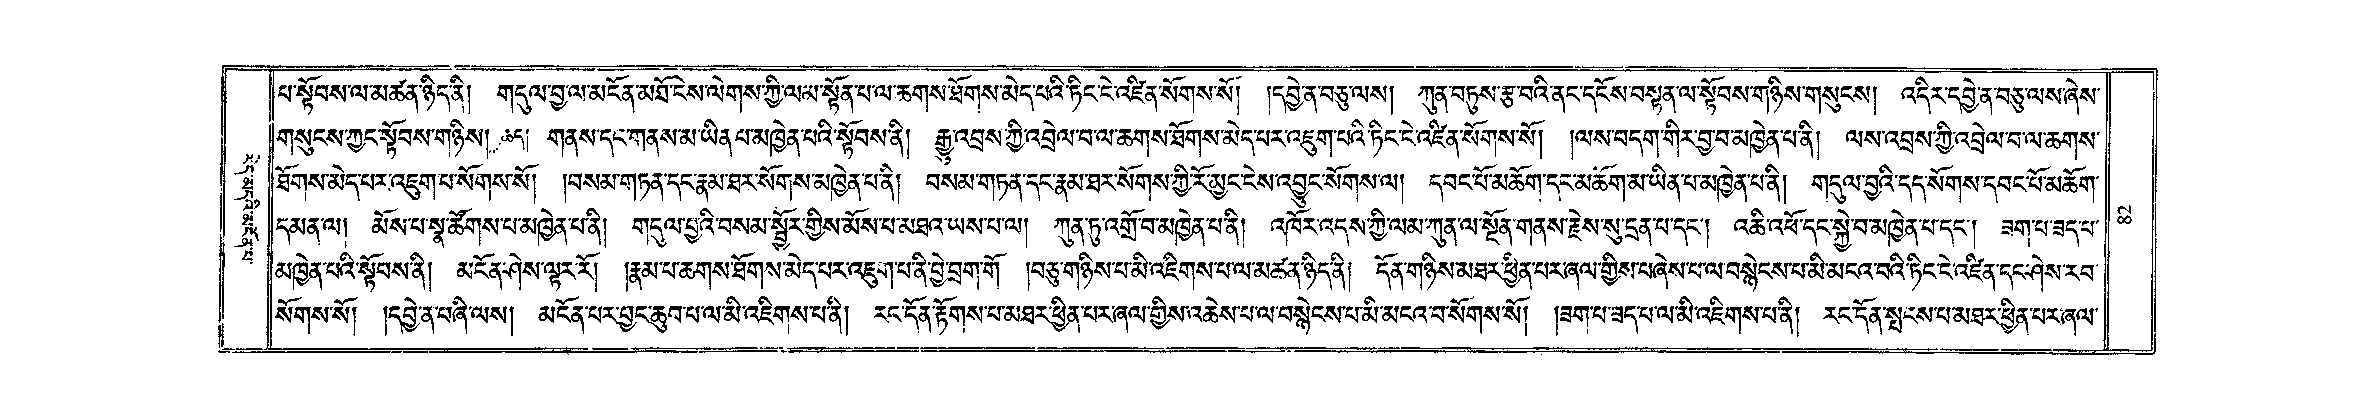པ་སྟོབས་ལ་མཚན་ཉིད་ནི། གདུལ་བྱ་ལ་མངོན་མཐོ་ངེས་ལེགས་ཀྱི་ལམ་སྟོན་པ་ལ་ཆགས་ཐོགས་མེད་པའི་ཏིང་ངེ་འཛིན་སོགས་སོ། །དབྱེ་ན་བཅུ་ལས། ཀུན་བཏུས་རྩ་བའི་ནང་དངོས་བསྟན་ལ་སྟོབས་གཉིས་གསུངས། འདིར་དབྱེ་ན་བཅུ་ལས་ཞེས་
གསུངས་ཀྱང་སྟོབས་གཉིས། ཆད།  གནས་དང་གནས་མ་ཡིན་པ་མཁྱེན་པའི་སྟོབས་ནི། རྒྱུ་འབྲས་ཀྱི་འབྲེལ་བ་ལ་ཆགས་ཐོགས་མེད་པར་འཇུག་པའི་ཏིང་ངེ་འཛིན་སོགས་སོ། །ལས་བདག་གིར་བྱ་བ་མཁྱེན་པ་ནི། ལས་འབྲས་ཀྱི་འབྲེལ་བ་ལ་ཆགས་
ཐོགས་མེད་པར་འཇུག་པ་སོགས་སོ། །བསམ་གཏན་དང་རྣམ་ཐར་སོགས་མཁྱེན་པ་ནི། བསམ་གཏན་དང་རྣམ་ཐར་སོགས་ཀྱི་རོ་མྱང་ངེས་འབྱུང་སོགས་ལ། དབང་པོ་མཆོག་དང་མཆོག་མ་ཡིན་པ་མཁྱེན་པ་ནི། གདུལ་བྱའི་དད་སོགས་དབང་པོ་མཆོག་
དམན་ལ། མོས་པ་སྣ་ཚོགས་པ་མཁྱེན་པ་ནི། གདུལ་བྱའི་བསམ་སྦྱོར་གྱིས་མོས་པ་མཐའ་ཡས་པ་ལ། ཀུན་ཏུ་འགྲོ་བ་མཁྱེན་པ་ནི། འཁོར་འདས་ཀྱི་ལམ་ཀུན་ལ་སྔོན་གནས་རྗེས་སུ་དྲན་པ་དང་། འཆི་འཕོ་དང་སྐྱེ་བ་མཁྱེན་པ་དང་། ཟག་པ་ཟད་པ་
མཁྱེན་པའི་སྟོབས་ནི། མངོན་ཤེས་ལྟར་རོ། །རྣམ་པ་ཆགས་ཐོགས་མེད་པར་འཇུག་པ་ནི་བྱེ་བྲག་གོ །བཅུ་གཉིས་པ་མི་འཇིགས་པ་ལ་མཚན་ཉིད་ནི། དོན་གཉིས་མཐར་ཕྱིན་པར་ཞལ་གྱིས་པ་ཞེས་པ་ལ་བསྙེངས་པ་མི་མངའ་བའི་ཏིང་ངེ་འཛིན་དང་ཤེས་རབ་
སོགས་སོ། །དབྱེ་ན་བཞི་ལས། མངོན་པར་བྱང་ཆུབ་པ་ལ་མི་འཇིགས་པ་ནི། རང་དོན་རྟོགས་པ་མཐར་ཕྱིན་པར་ཞལ་གྱིས་འཆེས་པ་ལ་བསྙེངས་པ་མི་མངའ་བ་སོགས་སོ། །ཟག་པ་ཟད་པ་ལ་མི་འཇིགས་པ་ནི། རང་དོན་སྤངས་པ་མཐར་ཕྱིན་པར་ཞལ་